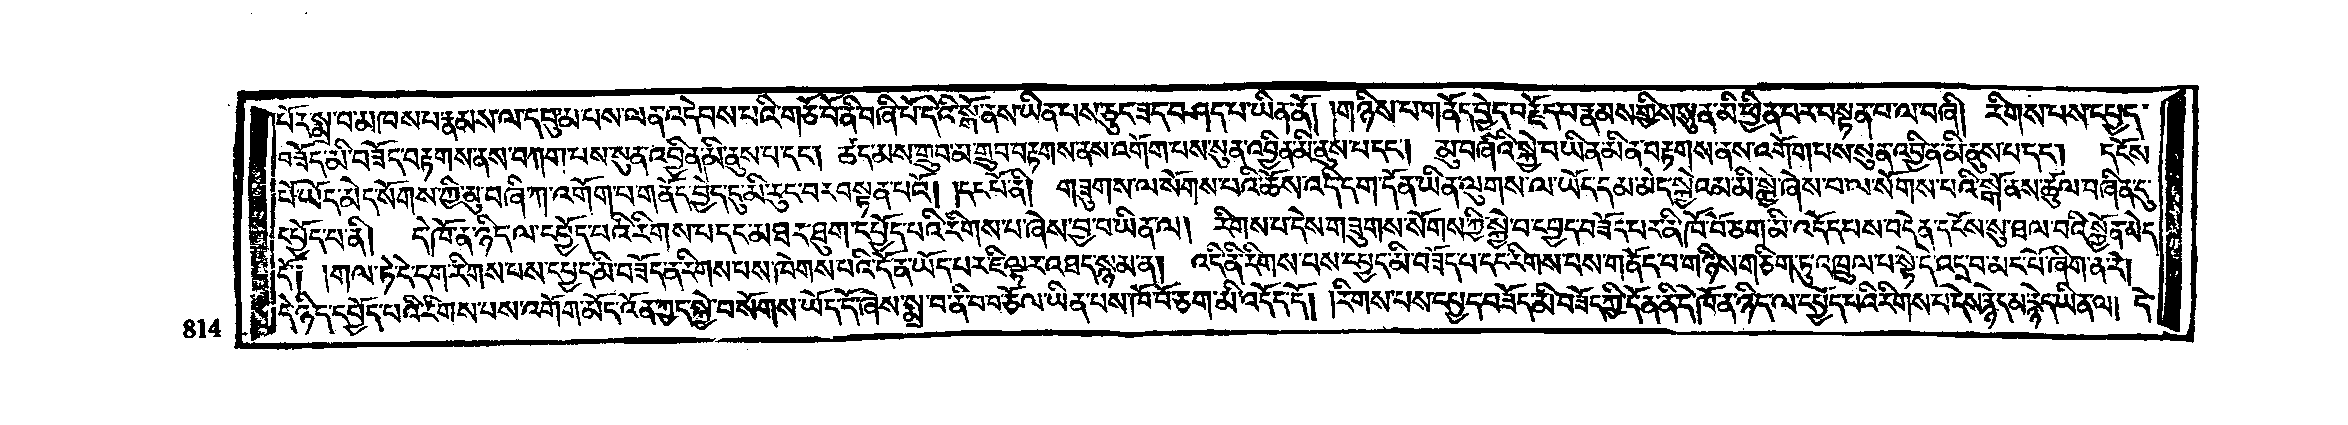པོར་སྨྲ་བ་མཁས་པ་རྣམས་ལ་དབུ་མ་པས་ལན་འདེབས་པའི་གཙོ་བོ་ནི་གཞི་པོ་དེའི་སྒོ་ནས་ཡིན་པས་ཅུང་ཟད་བཤད་པ་ཡིན་ནོ། །གཉིས་པ་གནོད་བྱེད་བརྗོད་པ་རྣམས་ཀྱིས་སུན་མི་ཕྱིན་པར་བསྟན་པ་ལ་བཞི། རིགས་པས་དཔྱད་
བཟོད་མི་བཟོད་བརྟགས་ནས་བཀག་པས་སུན་འབྱིན་མི་ནུས་པ་དང་། ཚད་མས་གྲུབ་མ་གྲུབ་བརྟགས་ནས་འགོག་པས་སུན་འབྱིན་མི་ནུས་པ་དང་། མུ་བཞིའི་སྐྱེ་བ་ཡིན་མིན་བརྟགས་ནས་འགོག་པས་སུན་འབྱིན་མི་ནུས་པ་དང་། དངོས་
པོ་ཡོད་མེད་སོགས་ཀྱི་མུ་བཞི་ཀ་འགོག་པ་གནོད་བྱེད་དུ་མི་རུང་བར་བསྟན་པའོ། །དང་པོ་ནི། གཟུགས་ལ་སོགས་པའི་ཆོས་འདི་དག་དོན་ཡིན་ལུགས་ལ་ཡོད་དམ་མེད་སྐྱེའམ་མི་སྐྱེ་ཞེས་པ་ལ་སོགས་པའི་སྒོ་ནས་ཚུལ་བཞིན་དུ་
དཔྱོད་པ་ནི། དེ་ཁོ་ན་ཉིད་ལ་དཔྱོད་པའི་རིགས་པ་དང་མཐར་ཐུག་དཔྱོད་པའི་རིགས་པ་ཞེས་བྱ་བ་ཡིན་ལ། རིགས་པ་དེས་གཟུགས་སོགས་ཀྱི་སྐྱེ་བ་དཔྱད་བཟོད་པར་ནི་ཁོ་བོ་ཅག་མི་འདོད་པས་བདེན་དངོས་སུ་ཐལ་བའི་སྐྱོན་མེད་
དོ༑ ༑གལ་ཏེ་དེ་དག་རིགས་པས་དཔྱད་མི་བཟོད་ན་རིགས་པས་ཁེགས་པའི་དོན་ཡོད་པར་ཇི་ལྟར་འཐད་སྙམ་ན། འདི་ནི་རིགས་པས་དཔྱད་མི་བཟོད་པ་དང་རིགས་པས་གནོད་པ་གཉིས་གཅིག་ཏུ་འཁྲུལ་བ་སྟེ་དེ་འདྲ་བ་མང་པོ་ཞིག་ན་རེ།
དེ་ཉིད་དཔྱོད་པའི་རིགས་པས་འགོག་མོད་འོན་ཀྱང་སྐྱེ་བ་སོགས་ཡོད་དོ་ཞེས་སྨྲ་བ་ནི་བབ་ཅོལ་ཡིན་པས་ཁོ་བོ་ཅག་མི་འདོད་དོ། །རིགས་པས་དཔྱད་བཟོད་མི་བཟོད་ཀྱི་དོན་ནི་དེ་ཁོ་ན་ཉིད་ལ་དཔྱོད་པའི་རིགས་པ་དེས་རྙེད་མ་རྙེད་ཡིན་ལ། དེ་